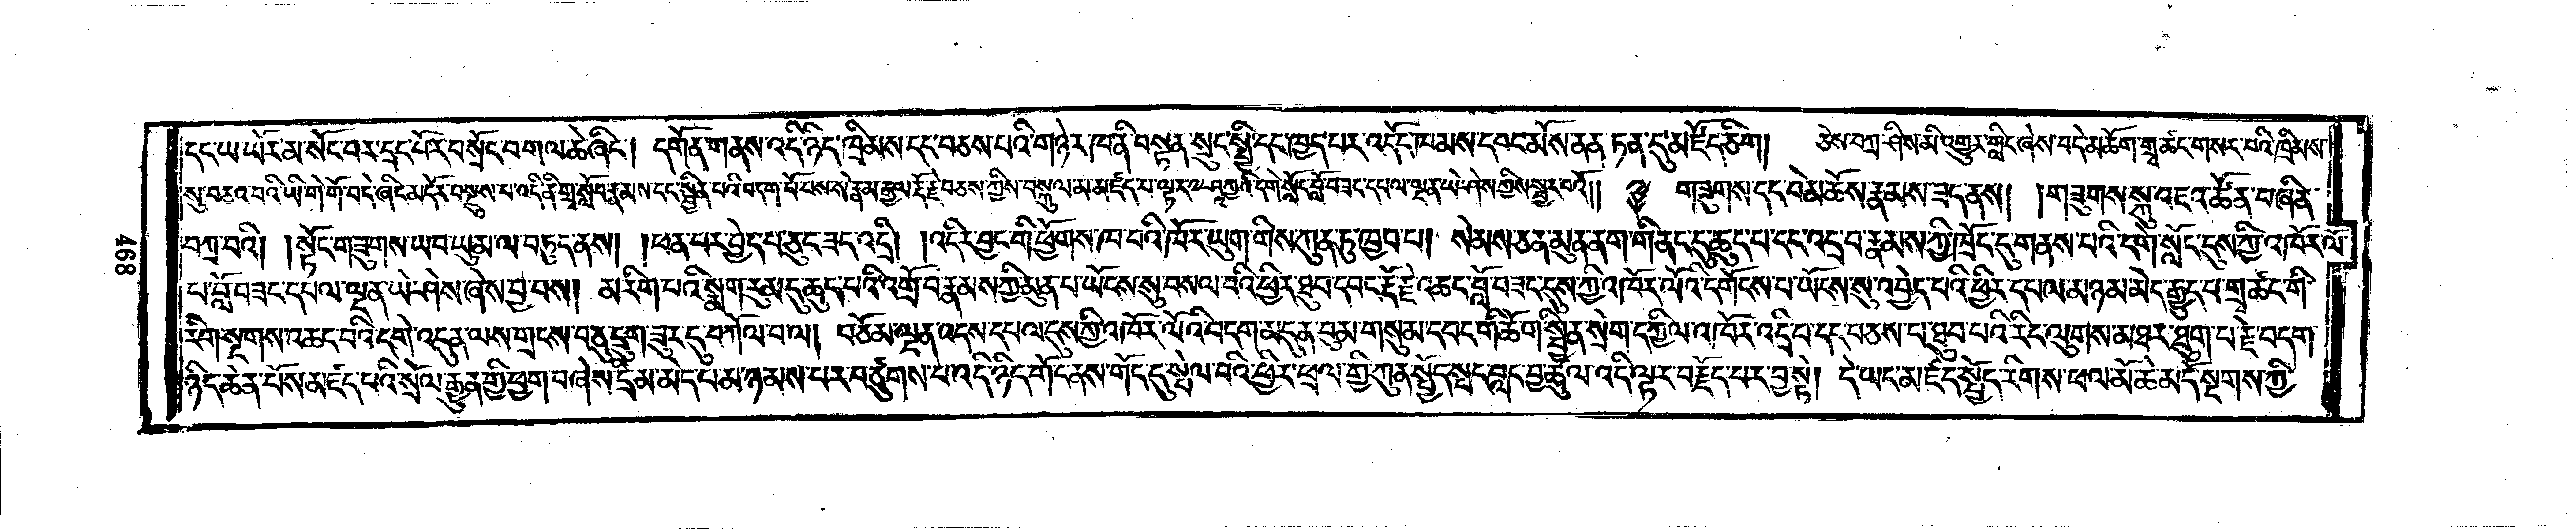དང་ཡ་ཡོར་མ་སོང་བར་དྲང་པོར་བསྲོང་བ་གལ་ཆེ་ཞིང་། དགོན་གནས་འདི་ཉིད་ཁྲིམས་དང་བཅས་པའི་གཉེར་ཁ་ནི་བསྟན་སྲུང་སྤྱི་དང་ཁྱད་པར་འདོད་ཁམས་དབང་མོས་ནན་ཏན་དུ་མཛོད་ཅིག། ཅེས་བཀྲ་ཤིས་མི་འགྱུར་གླིང་ཞེས་བདེ་མཆོག་གྲྭ་ཚང་གསར་བའི་ཁྲིམས་
སུ་བཅའ་བའི་ཡི་གེ་གོ་བདེ་ཞིང་མདོར་བསྡུས་པ་འདི་ནི་གྲྭ་སློབ་རྣམས་དང་སྦྱིན་པའི་བདག་པོ་པས་སེ་རྣམ་རྒྱལ་རྡོ་རྗེ་བཅས་ཀྱིས་བསྐུལ་མ་མཛད་པ་ལྟར་༧་ཤཱཀྱའི་དགེ་སློང་བློ་བཟང་དཔལ་ལྡན་ཡེ་ཤེས་ཀྱིས་སྦྱར་བའོ།། ༈ གཟུགས་དང་བེམ་ཆོས་རྣམས་ཟད་ནས། །གཟུགས་སྐུ་འཇའ་ཚོན་བཞིན་
བཀྲ་བའི། །སྟོང་གཟུགས་ཡབ་ཡུམ་ལ་བཏུད་ནས། །ཕན་པར་བྱེད་པ་ཅུང་ཟད་འདྲི། །འདིར་བྱང་གི་ཕྱོགས་ཁ་བའི་ཁོར་ཡུག་གིས་ཀུན་ཏུ་ཁྱབ་པ། སེམས་ཅན་མུན་ནག་གི་ནང་དུ་ཆུད་པ་དང་འདྲ་བ་རྣམས་ཀྱི་ཁྲོད་དུ་གནས་པའི་དགེ་སློང་དུས་ཀྱི་འཁོར་ལོ་
པ་བློ་བཟང་དཔལ་ལྡན་ཡེ་ཤེས་ཞེས་བྱ་བས། མ་རིག་པའི་སྨག་རུམ་དུ་ཆུད་པའི་འགྲོ་བ་རྣམས་ཀྱི་མུན་པ་ཡོངས་སུ་བསལ་བའི་ཕྱིར་ཐུབ་དབང་རྡོ་རྗེ་འཆང་བློ་བཟང་དུས་ཀྱི་འཁོར་ལོའི་དགོངས་པ་ཡོངས་སུ་འབྱེད་པའི་ཕྱིར་དཔལ་མཉམ་མེད་རྒྱུད་པ་གྲྭ་ཚང་གི་
རིག་སྔགས་འཆང་བའི་དགེ་འདུན་ལས་གྲངས་བཅུ་དྲུག་ཟུར་དུ་བཀོལ་བ་ལ། བཅོམ་ལྡན་འདས་དཔལ་དུས་ཀྱི་འཁོར་ལོའི་བདག་མདུན་བུམ་གསུམ་དབང་གི་ཆོག་སྦྱིན་སྲེག་དཀྱིལ་འཁོར་འདྲི་བ་དང་བཅས་པ་ཐུབ་པའི་རིང་ལུགས་མཐར་ཐུག་པ་རྗེ་བདག་
ཉིད་ཆེན་པོས་མཛད་པའི་སྲོལ་རྒྱུན་གྱི་ཕྱག་བཞེས་དྲི་མ་མེད་པ་མ་ཉམས་པར་བཙུགས་པ་འདི་ཉིད་གོང་ནས་གོང་དུ་སྤེལ་བའི་ཕྱིར་ཕྲལ་གྱི་ཀུན་སྤྱོད་སྤང་བླང་བྱ་ཚུལ་འདི་ལྟར་བརྗོད་པར་བྱ་སྟེ། དེ་ཡང་མཛད་སྤྱོད་རིགས་ཕལ་མོ་ཆེ་མདོ་སྔགས་ཀྱི་